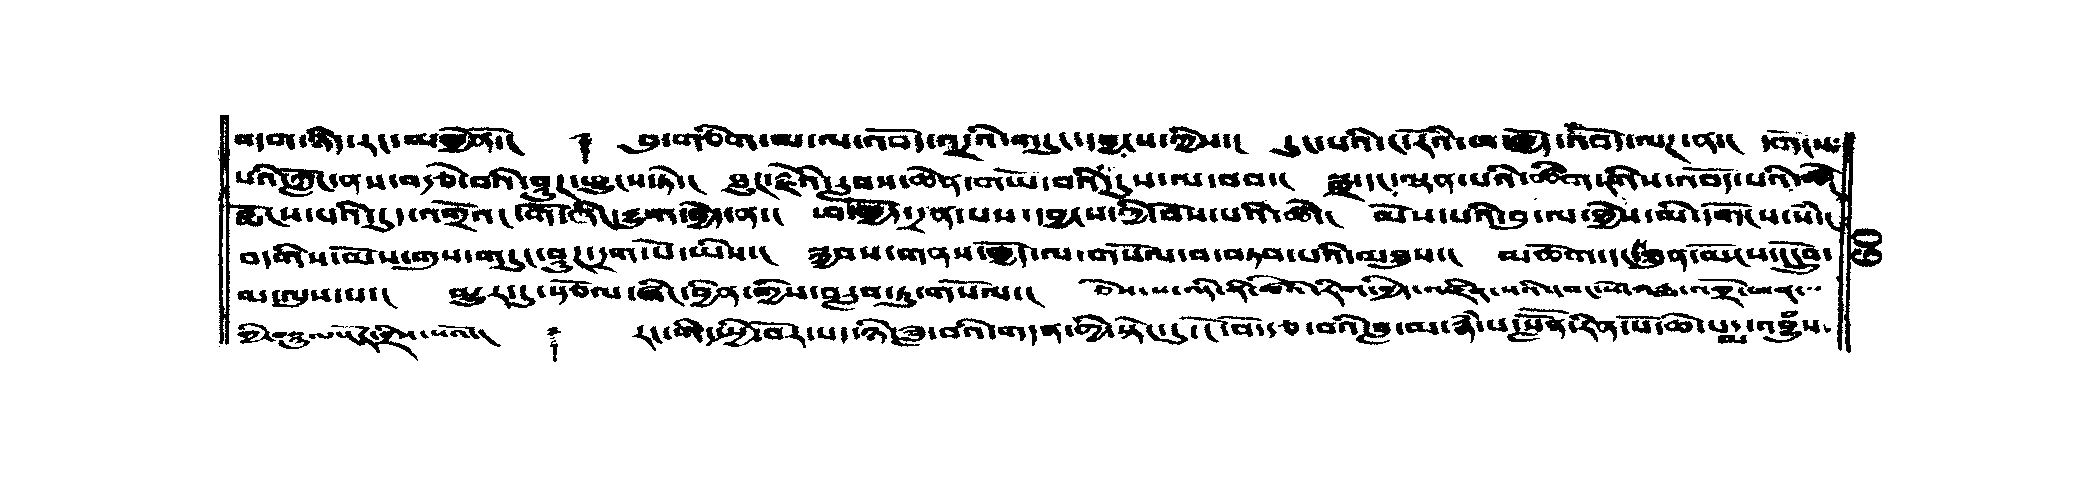བདག་ཉིད་རང་མཁྱེན་ནོ།། ༈ བུ་གཅིག་མ་ལ་འབོད་འདྲའི་གདུང་དབྱངས་ཀྱིས། །གདུང་པའི་ང་རོའི་ཕ་ཁྱོད་འབོད་ལགས་ན། །དགོངས་
པའི་ཀློང་ནས་བརྩེ་བའི་ཤུགས་ཕྱུངས་ཏེ། །ཐུགས་རྗེའི་རླབས་ཆེན་གཡོ་བའི་དུས་ལ་བབ། །སྒྲ་དང་ལྡན་པའི་ཚིག་གིས་འབོད་པའི་ཚེ། །
རྨོངས་པའི་དུད་འགྲོའང་གོ་ཞིང་རྒྱུག་བྱེད་ན། །ཕ་ཁྱོད་དྲན་པས་དབྱངས་ཀྱི་བོས་པའི་ཚེ། །མོས་པའི་བུ་ལ་ཐུགས་རྗེས་མི་དགོངས་སམ། །
བདག་གིས་མོས་གུས་གདུང་ཤུགས་དྲག་པོ་ཡིས། །སྐྱབས་གནས་ཁྱོད་ལ་གསོལ་བ་བཏབ་པའི་མཐུས། །མཆོག་དང་ཐུན་མོངས་དངོས་གྲུབ་
མ་ལུས་པ། །མྱུར་དུ་སྩོལ་ཞིང་བྱིན་གྱིས་བརླབ་ཏུ་གསོལ།ཅེས་པ་འདི་ནི་ཚེའི་རིག་བྱེད་འཛིན་པའི་དབང་པོ་ཀརྨ་འགྲོ་ཕན་
གྱི་བསྐུལ་ངོར་བྲིས་པའོ།། ༈ རང་གི་སྤྱི་བོར་པད་ཉི་ཟླ་བའི་གདན་གྱི་སྟེང་དུ་ངོ་བོ་རྩ་བའི་བླ་མ་རྣམ་པ་སློབ་དཔོན་རིན་པོ་ཆེ་པདྨ་འབྱུང་གནས་